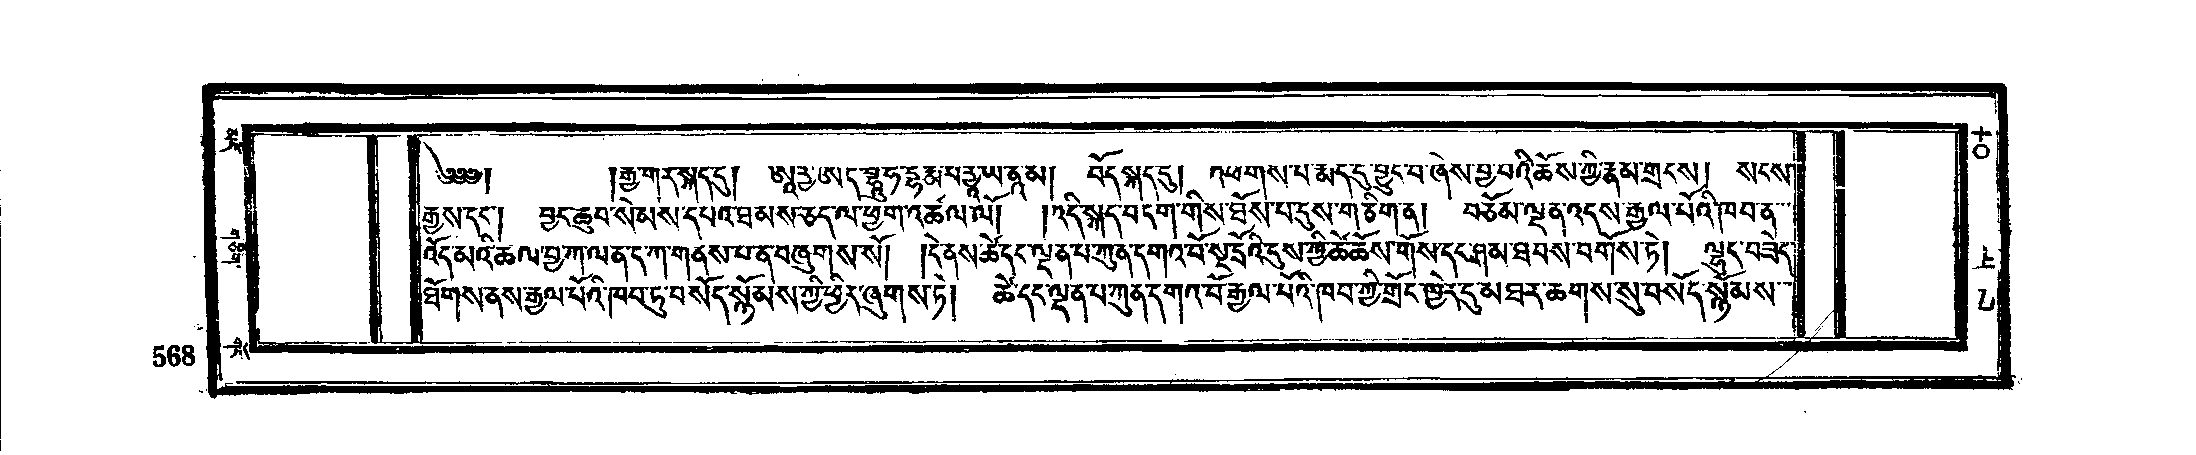༄༅༅། །རྒྱ་གར་སྐད་དུ། ཨཱརྱ་ཨད་བྷཱུ་ཧ་དྷརྨ་པརྱཱ་ཡ་ནཱ་མ། བོད་སྐད་དུ། འཕགས་པ་རྨད་དུ་བྱུང་བ་ཞེས་བྱ་བའི་ཆོས་ཀྱི་རྣམ་གྲངས། སངས་
རྒྱས་དང་། བྱང་ཆུབ་སེམས་དཔའ་ཐམས་ཅད་ལ་ཕྱག་འཚལ་ལོ། །འདི་སྐད་བདག་གིས་ཐོས་པ་དུས་གཅིག་ན། བཅོམ་ལྡན་འདས་རྒྱལ་པོའི་ཁབ་ན་
འོད་མའི་ཆལ་བྱ་ཀ་ལན་ད་ཀ་གནས་པ་ན་བཞུགས་སོ། །དེ་ནས་ཚེ་དང་ལྡན་པ་ཀུན་དགའ་བོ་སྔ་དྲོའི་དུས་ཀྱི་ཚེ་ཆོས་གོས་དང་ཤམ་ཐབས་བགོས་ཏེ། ལྷུང་བཟེད་
ཐོགས་ནས་རྒྱལ་པོའི་ཁབ་ཏུ་བསོད་སྙོམས་ཀྱི་ཕྱིར་ཞུགས་ཏེ། ཚེ་དང་ལྡན་པ་ཀུན་དགའ་བོ་རྒྱལ་པོའི་ཁབ་ཀྱི་གྲོང་ཁྱེར་དུ་མཐར་ཆགས་སུ་བསོད་སྙོམས་